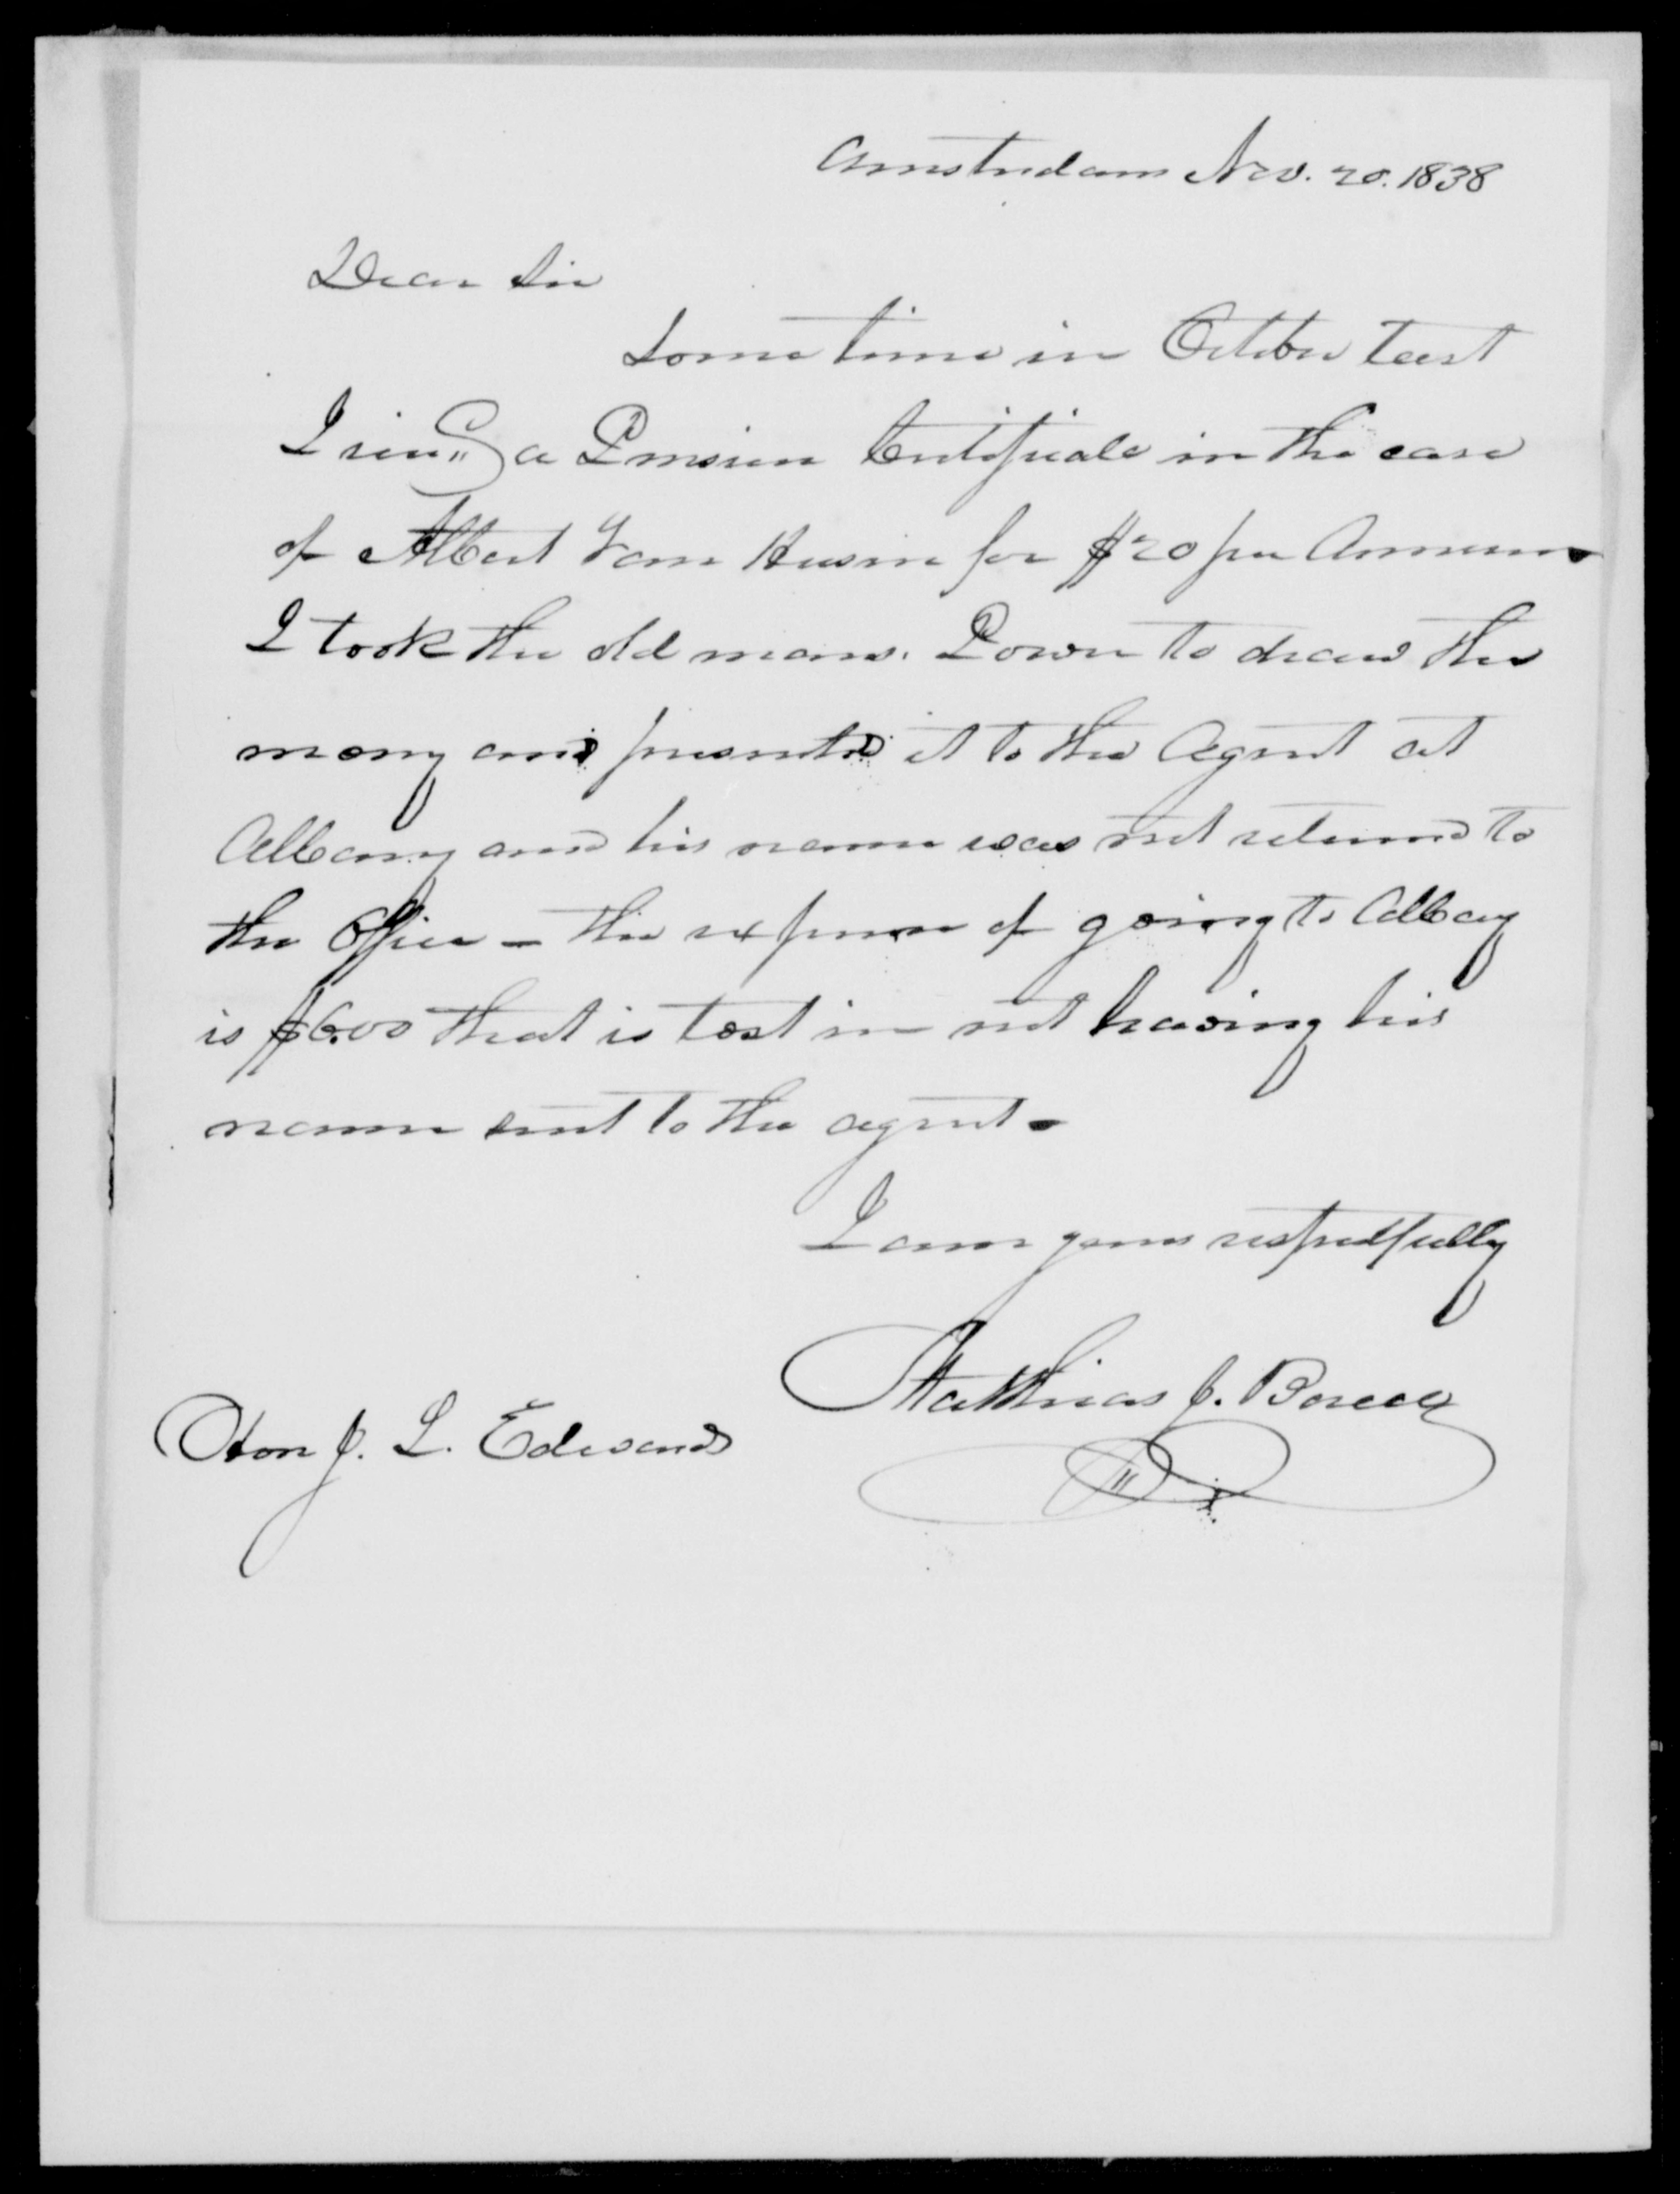Amsterdam Nov. 20, 1838 
Dear Sir 
Some time in October last I [illegible, recd?] a Pension Certificate in the case of Albert Van Husen for $20 per Annum I took the old mans down to draw the money and presented it to the Agent at Albany and his name was not returned to the Office - the expense of going to Albany is $6.00 that is lost in not having his name sent to the agent. 
I am yours respectfully 
[signed] Matthias J. Bovee 

Hon J. L. Edwards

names: Albert Van Husin, J L Edwards, Matthias J Bovee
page: 29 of 57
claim: survivor's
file: S. 28,925, Albert Van Housen, New York